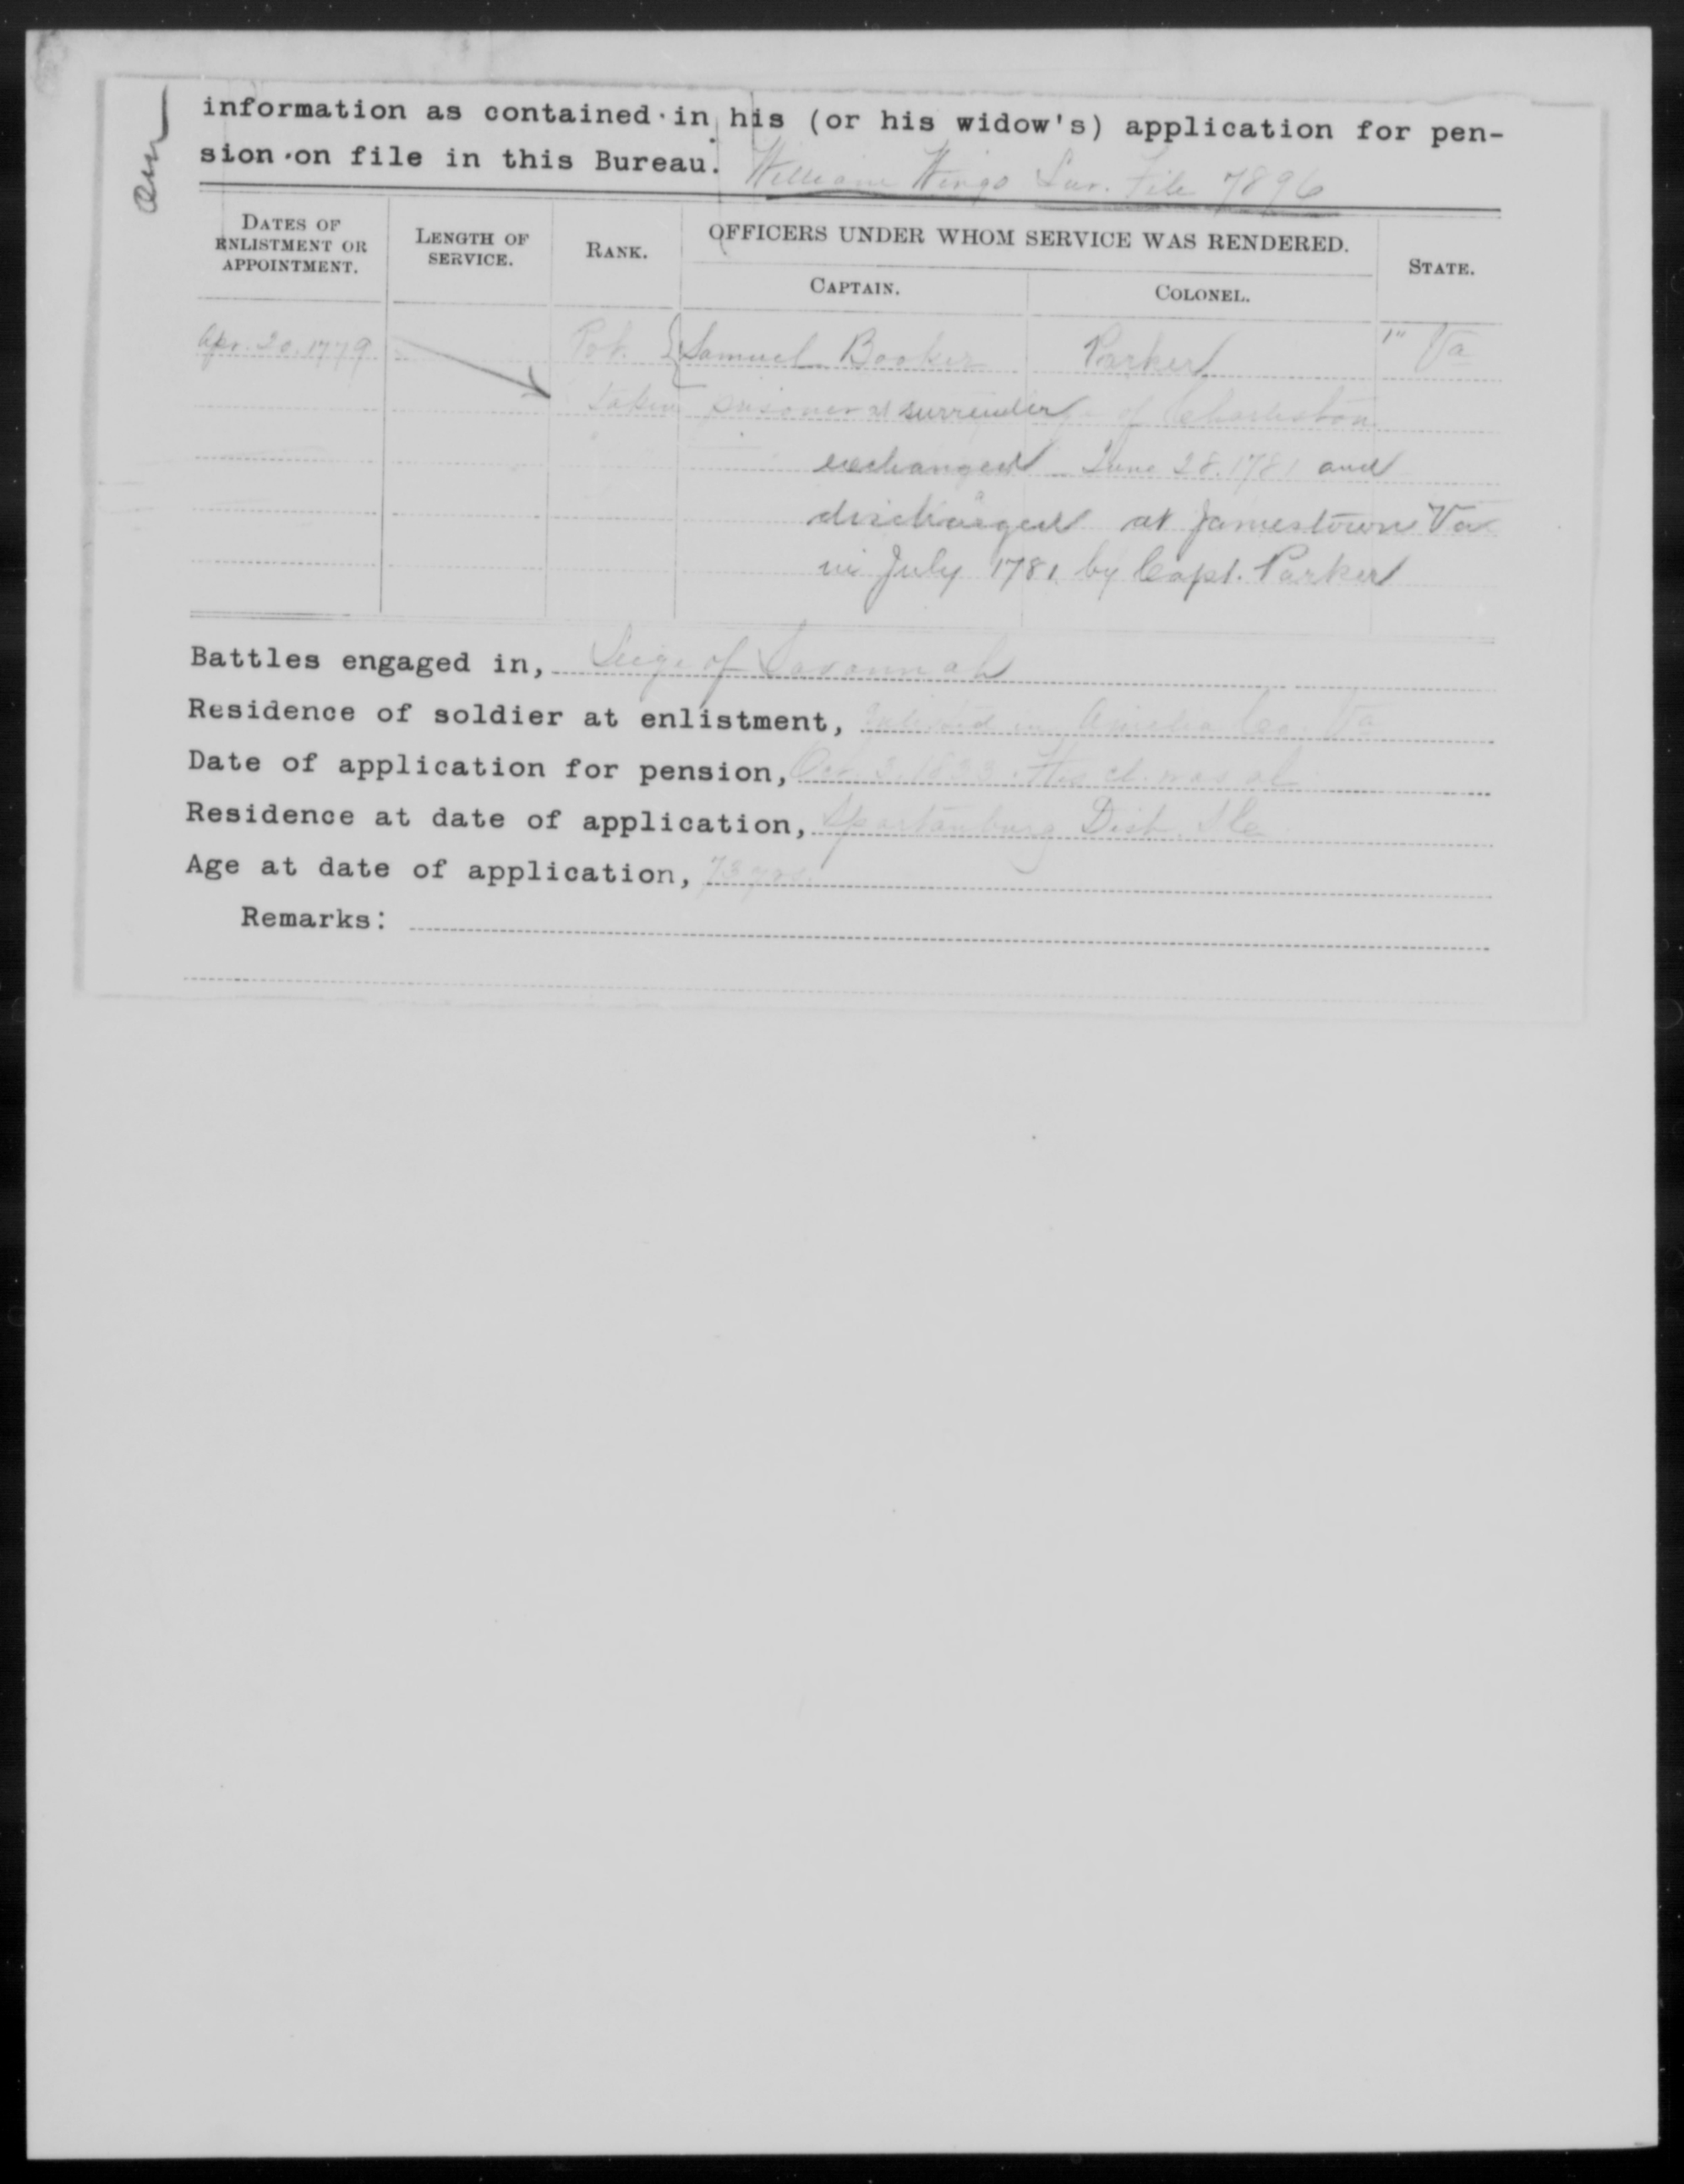information as contained in his (or his widow's) application for pension on file in this Bureau William Wingo Sur. File 7896
DATES OF ENLISTMENT OR APPOINTMENT. | LENGTH OF SERVICE. | RANK. | OFFICERS UNDER WHOM SERVICE WAS RENDERED | CAPTAIN | COLONEL. | STATE

Apr. 20. 1779 |  | Pvt. |  Samuel Booker | Parker | 1" Va

taken prisoner at surrender of Charleston exchanged June 28.1781 and discharged at Jamestown Va in July 1781 by Capt. Parker

Battles engaged in, Siege of Savannah
Resident of soldier at enlistment, inlisted in Amelia Co. Va
Date of application for pension, October 3 1833. his cl was al
Residence at date of application, Spartanburg Dist. SCa
Age at date of application, 73 yrs.
Remarks:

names: Parker, Samuel Booker, William Wingo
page: 7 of 19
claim: survivor's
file: S. 7,896, William Wingo, Va.